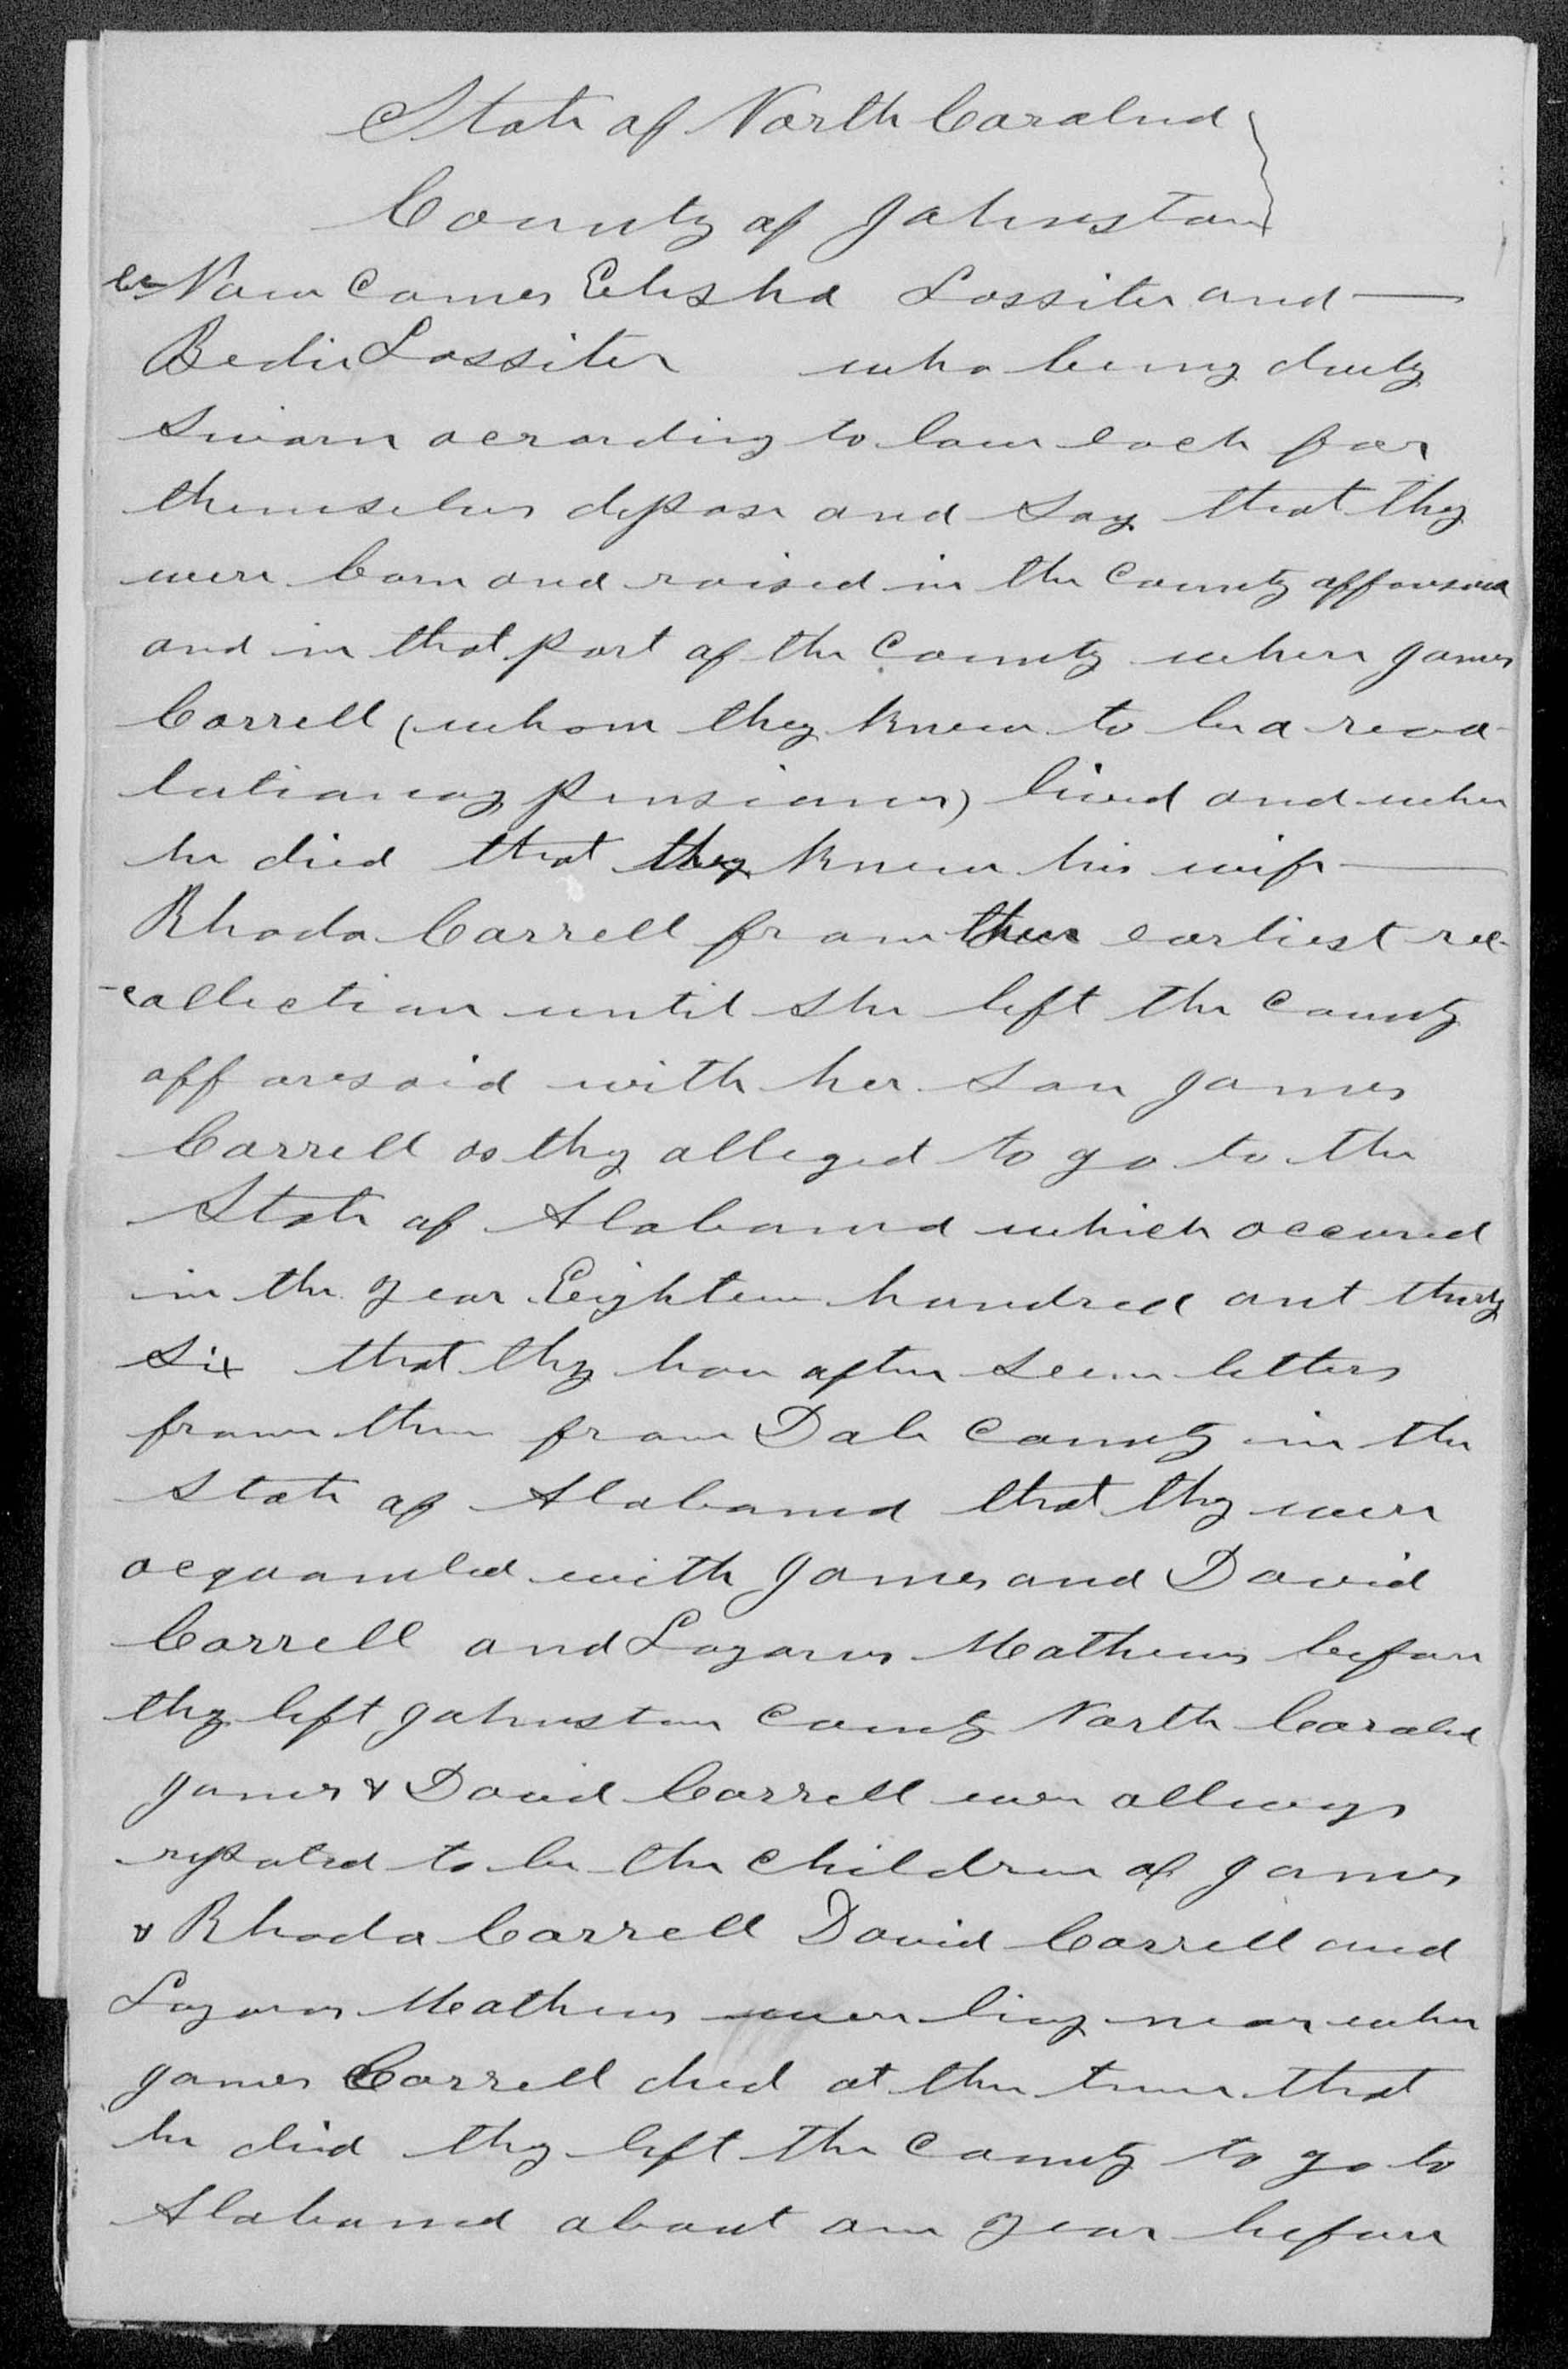State of North Carolina
County of Johnston }

be now comes Elisha Lassiter and Bedi Lassiter who being duly sworn according to law each for themselves depose and say that they were born and raised in the county afforesaid and in that part of the county where James Carrell (whom they  knew to be a revolutionary pensioner) lived and when he died that they knew his wife- Rhoda Carrell from the earliest recollection until she left the county afforesaid with her son James Carrell as they alleged to go to the State of Alabama which occured in the year eighteen hundred and thirty six that they have after seen letters from them from Dale County in the State of Alabama that they were acquainted with James and David Carrell and Lazarus Mathews before they left Johnston County North Carolina James and David Carrell were allways reputed to be the children of James and Rhoda Carrell David Carrell and Lazarus Mathews were living near when James Carrell died at the time that he died they left the county to go to Alabama about one year before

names: Rhoda Carrell, James Carrell, James Carrell, Elisha Lassiter, James Carrell, Lazarus Mathews, Lazarus Mathews, David Carrell, David Carrell, James Carrell, Bedie Lassiter, David Carrell, Rhoda Carrell, James Carrell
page: 56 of 86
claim: widow's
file: W. 6899, James Carrell, N.C.